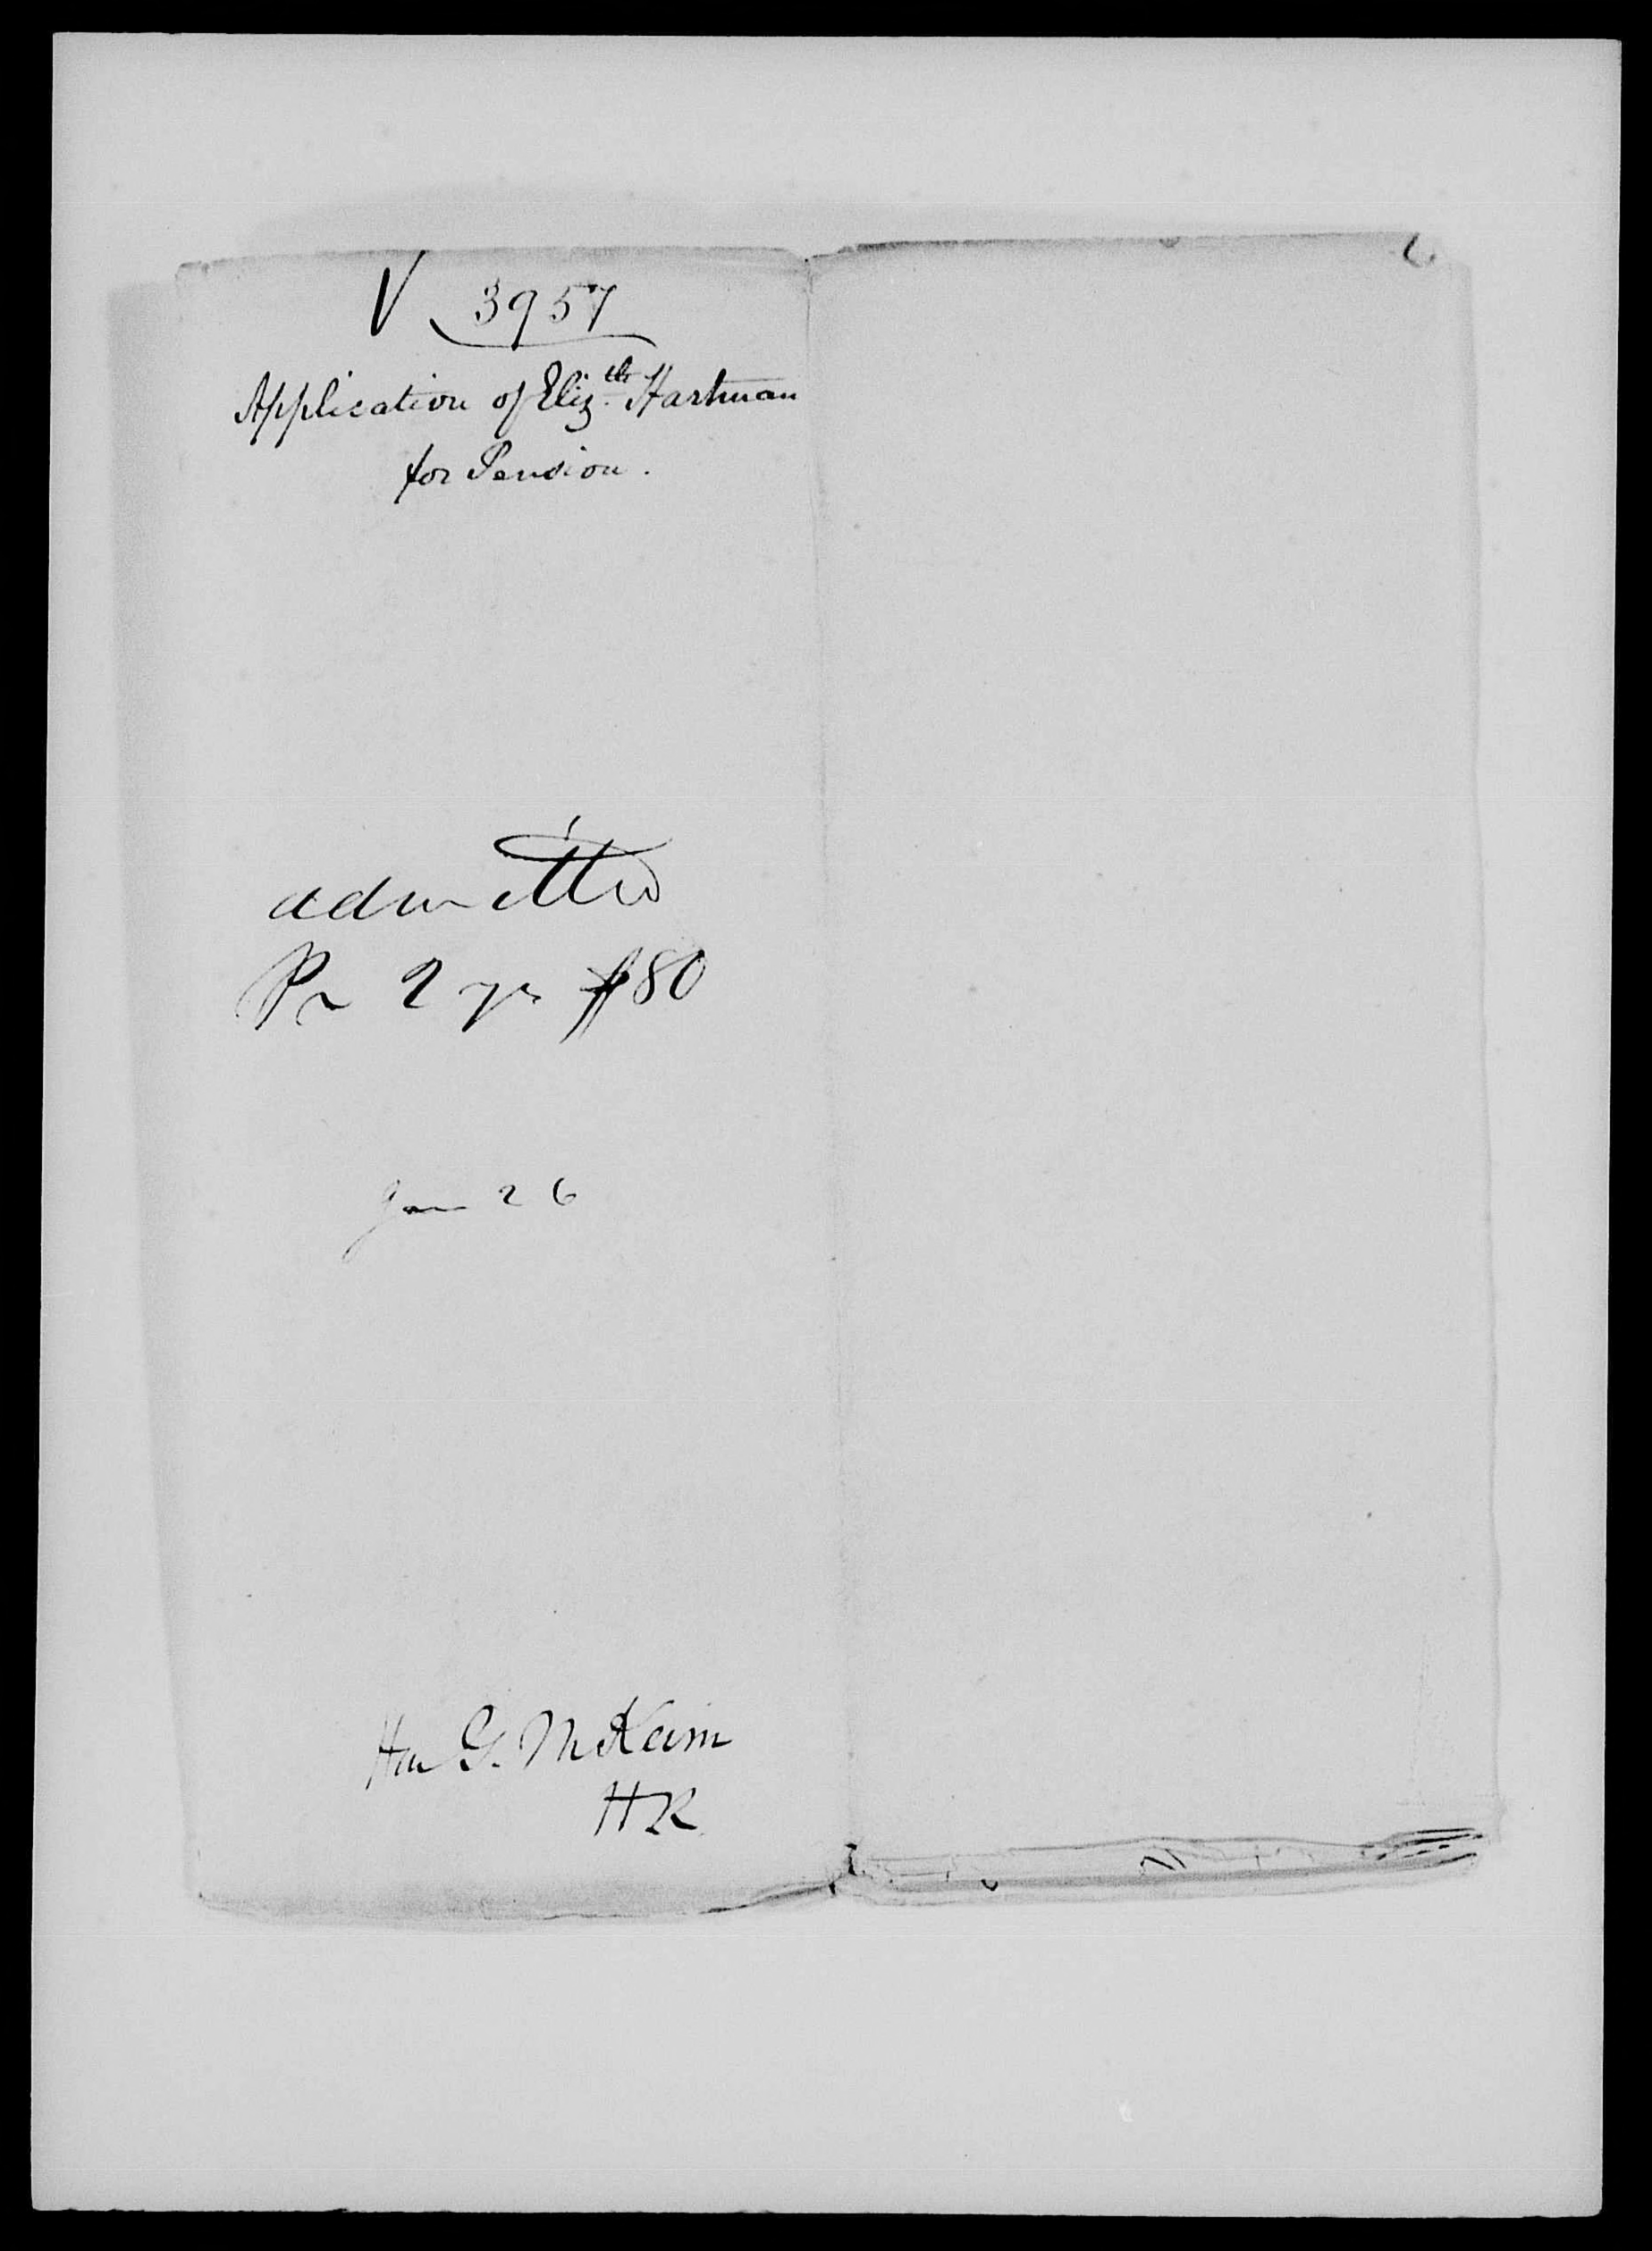V 3957
Application of Eliz'th Hartman
for Pension
admitted
Pr 2 yr $80
Jan 26
Hon G. M Keim
HR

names: G M Keim, Elizth Hartman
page: 11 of 29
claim: widow's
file: W. 2,789, George Hartman, New Jersey